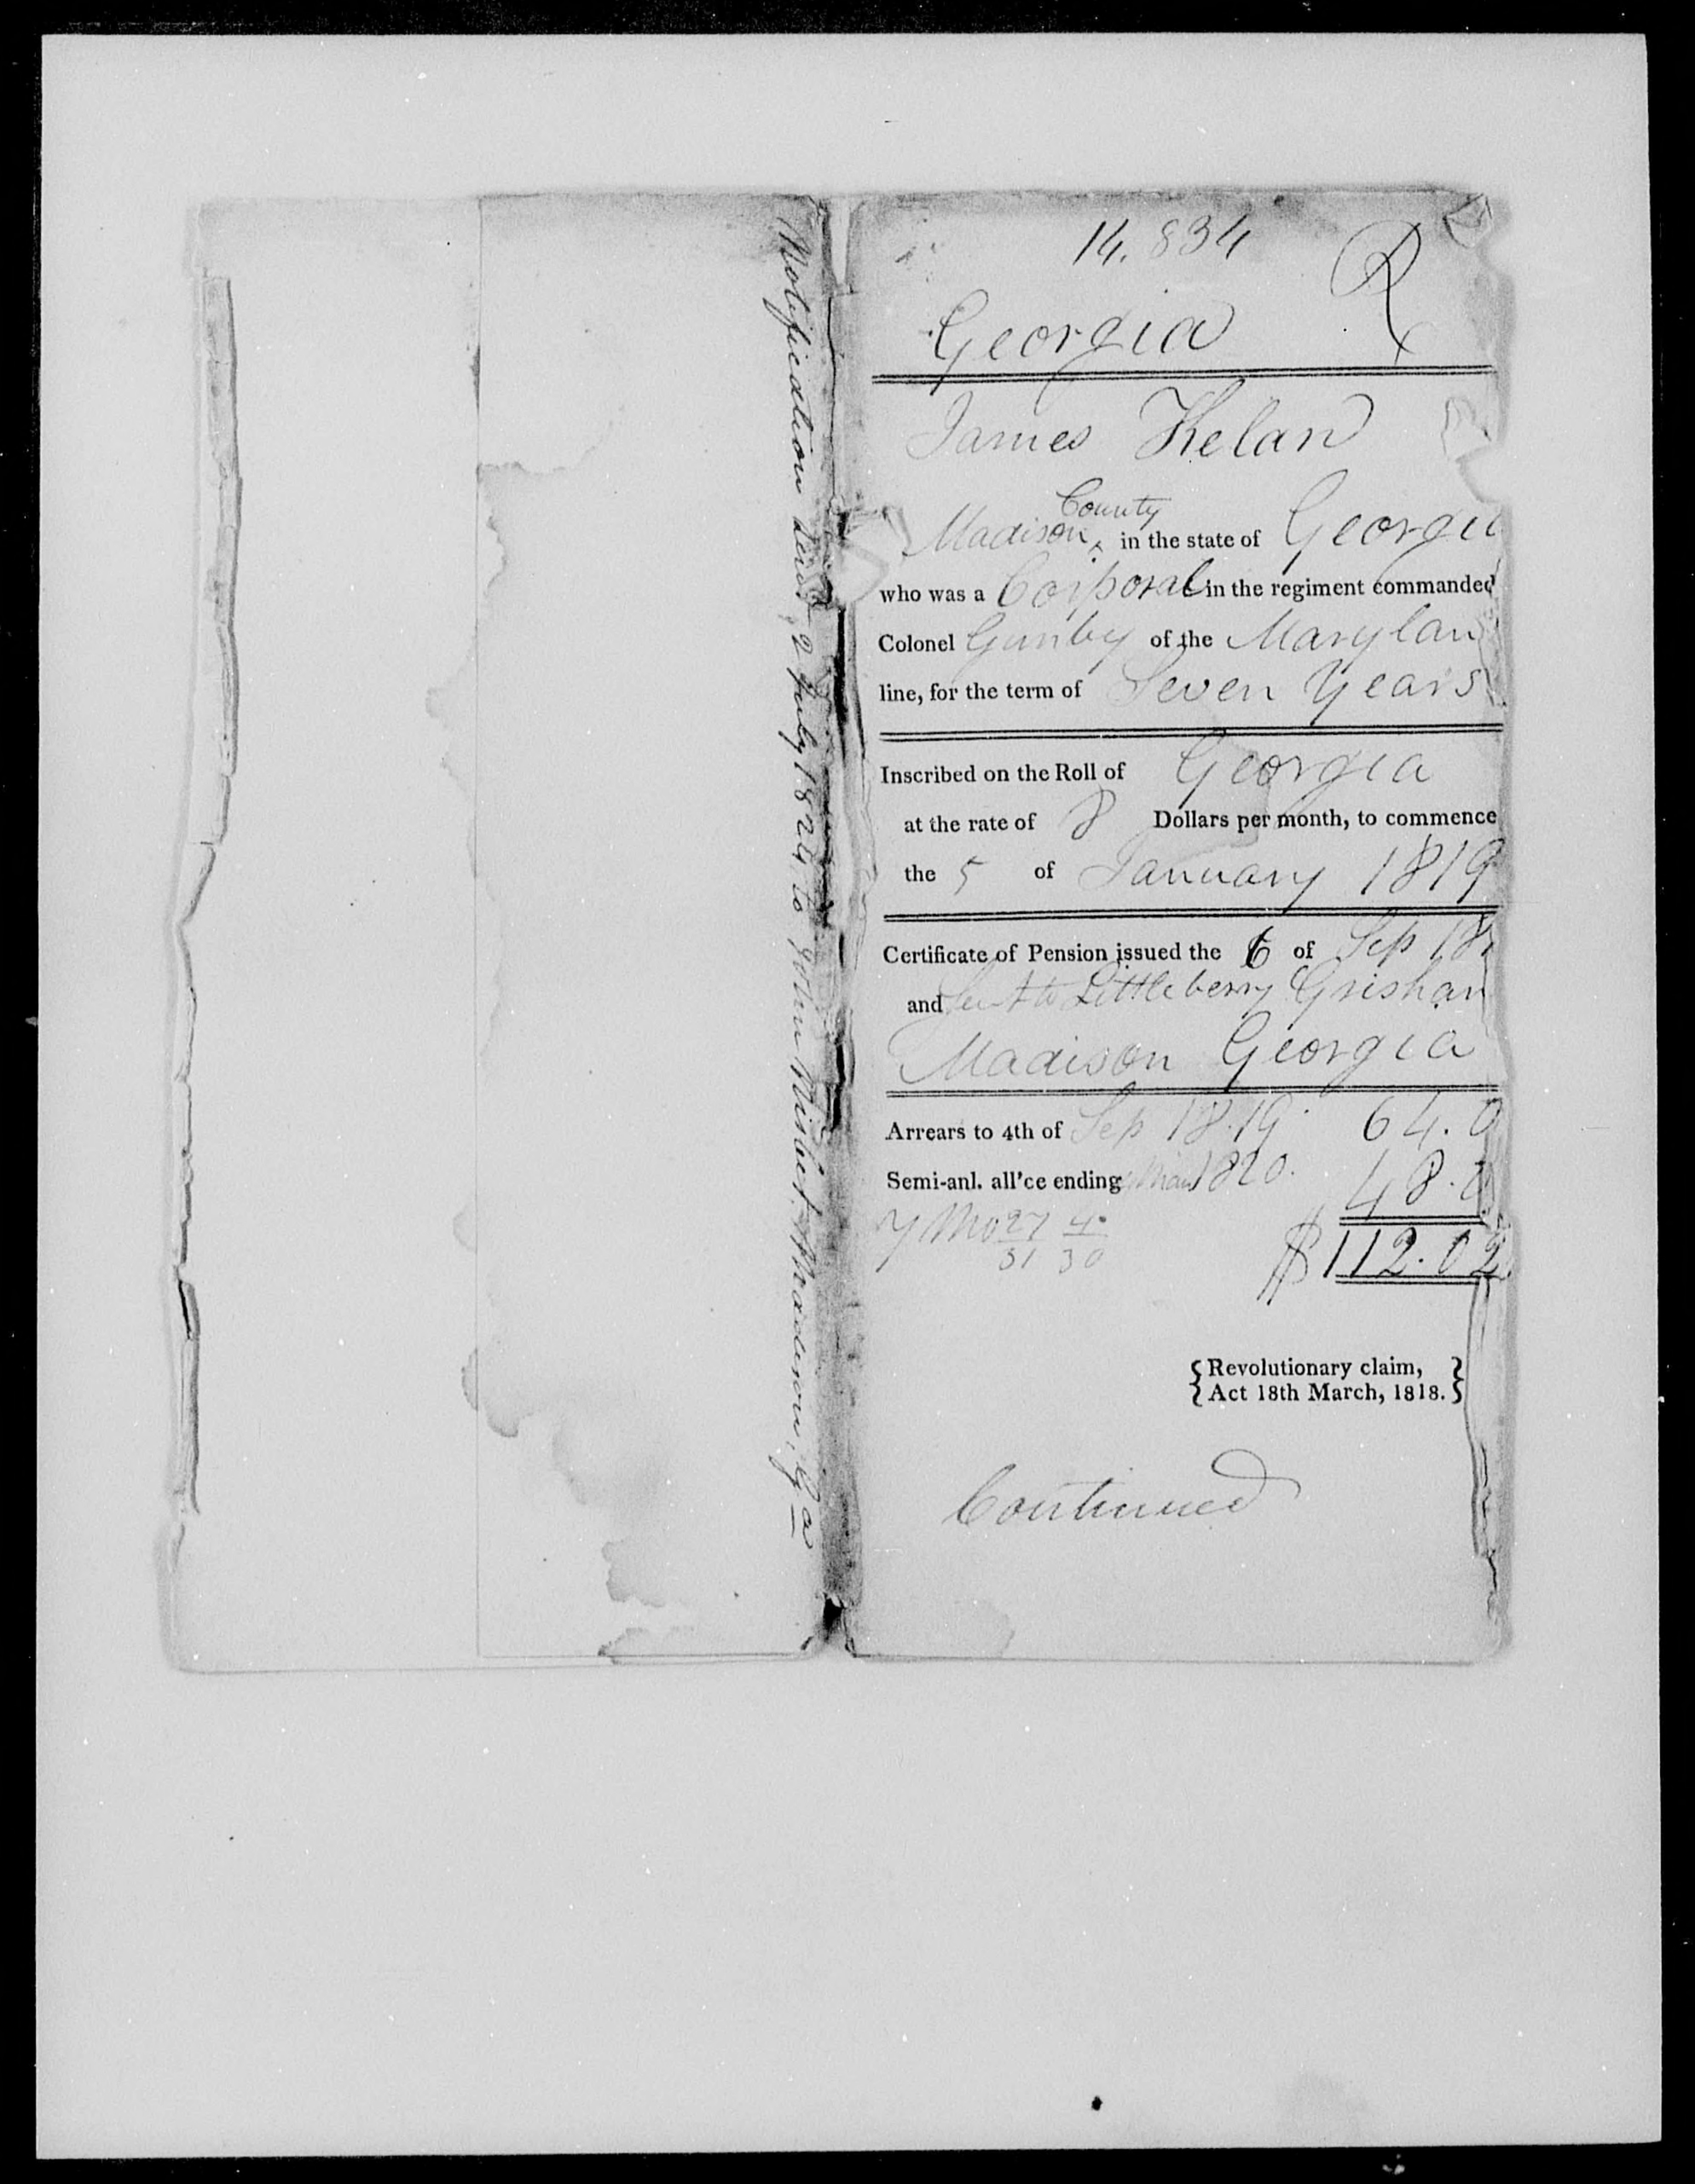[Written sideways along binding left page:]
Notification served 2 Feby 1824 to John Mislect Madison Ga

[right page:]
14.834
Georgia
---
James Kelan
Madison ^County^ in the State of Georgia
who was a Corporal in the regiment commanded
Colonel Gunby of the Maryland
line, for the term of seven years
==========
Inscribed on the Roll of Georgia
at the rate of 8 Dollars per month, to commence
the 5 of January 1819
==========
Certificate of Pension issued the 6 of Sep 18 [page torn hiding last two digits]
and sent to Littleberry Grisham
Madison Georgia
==========
Arrears to 4th of Sep 1819
Semi-anl. all'ce ending 4 March[?] 1820
[flourish or 7] Mo 27/31 4/30

[written to right of the above. paper torn making last digit illegible]:
64.0[x]
48.0[x]
======
$112.02

{Revolutionary claim,
Act 18th March, 1818.}
Continued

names: James Kelan; [BLANK] Ganby; Littleberry Grisham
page: 4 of 16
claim: survivor's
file: S. 38110, for James Keelan, Maryland